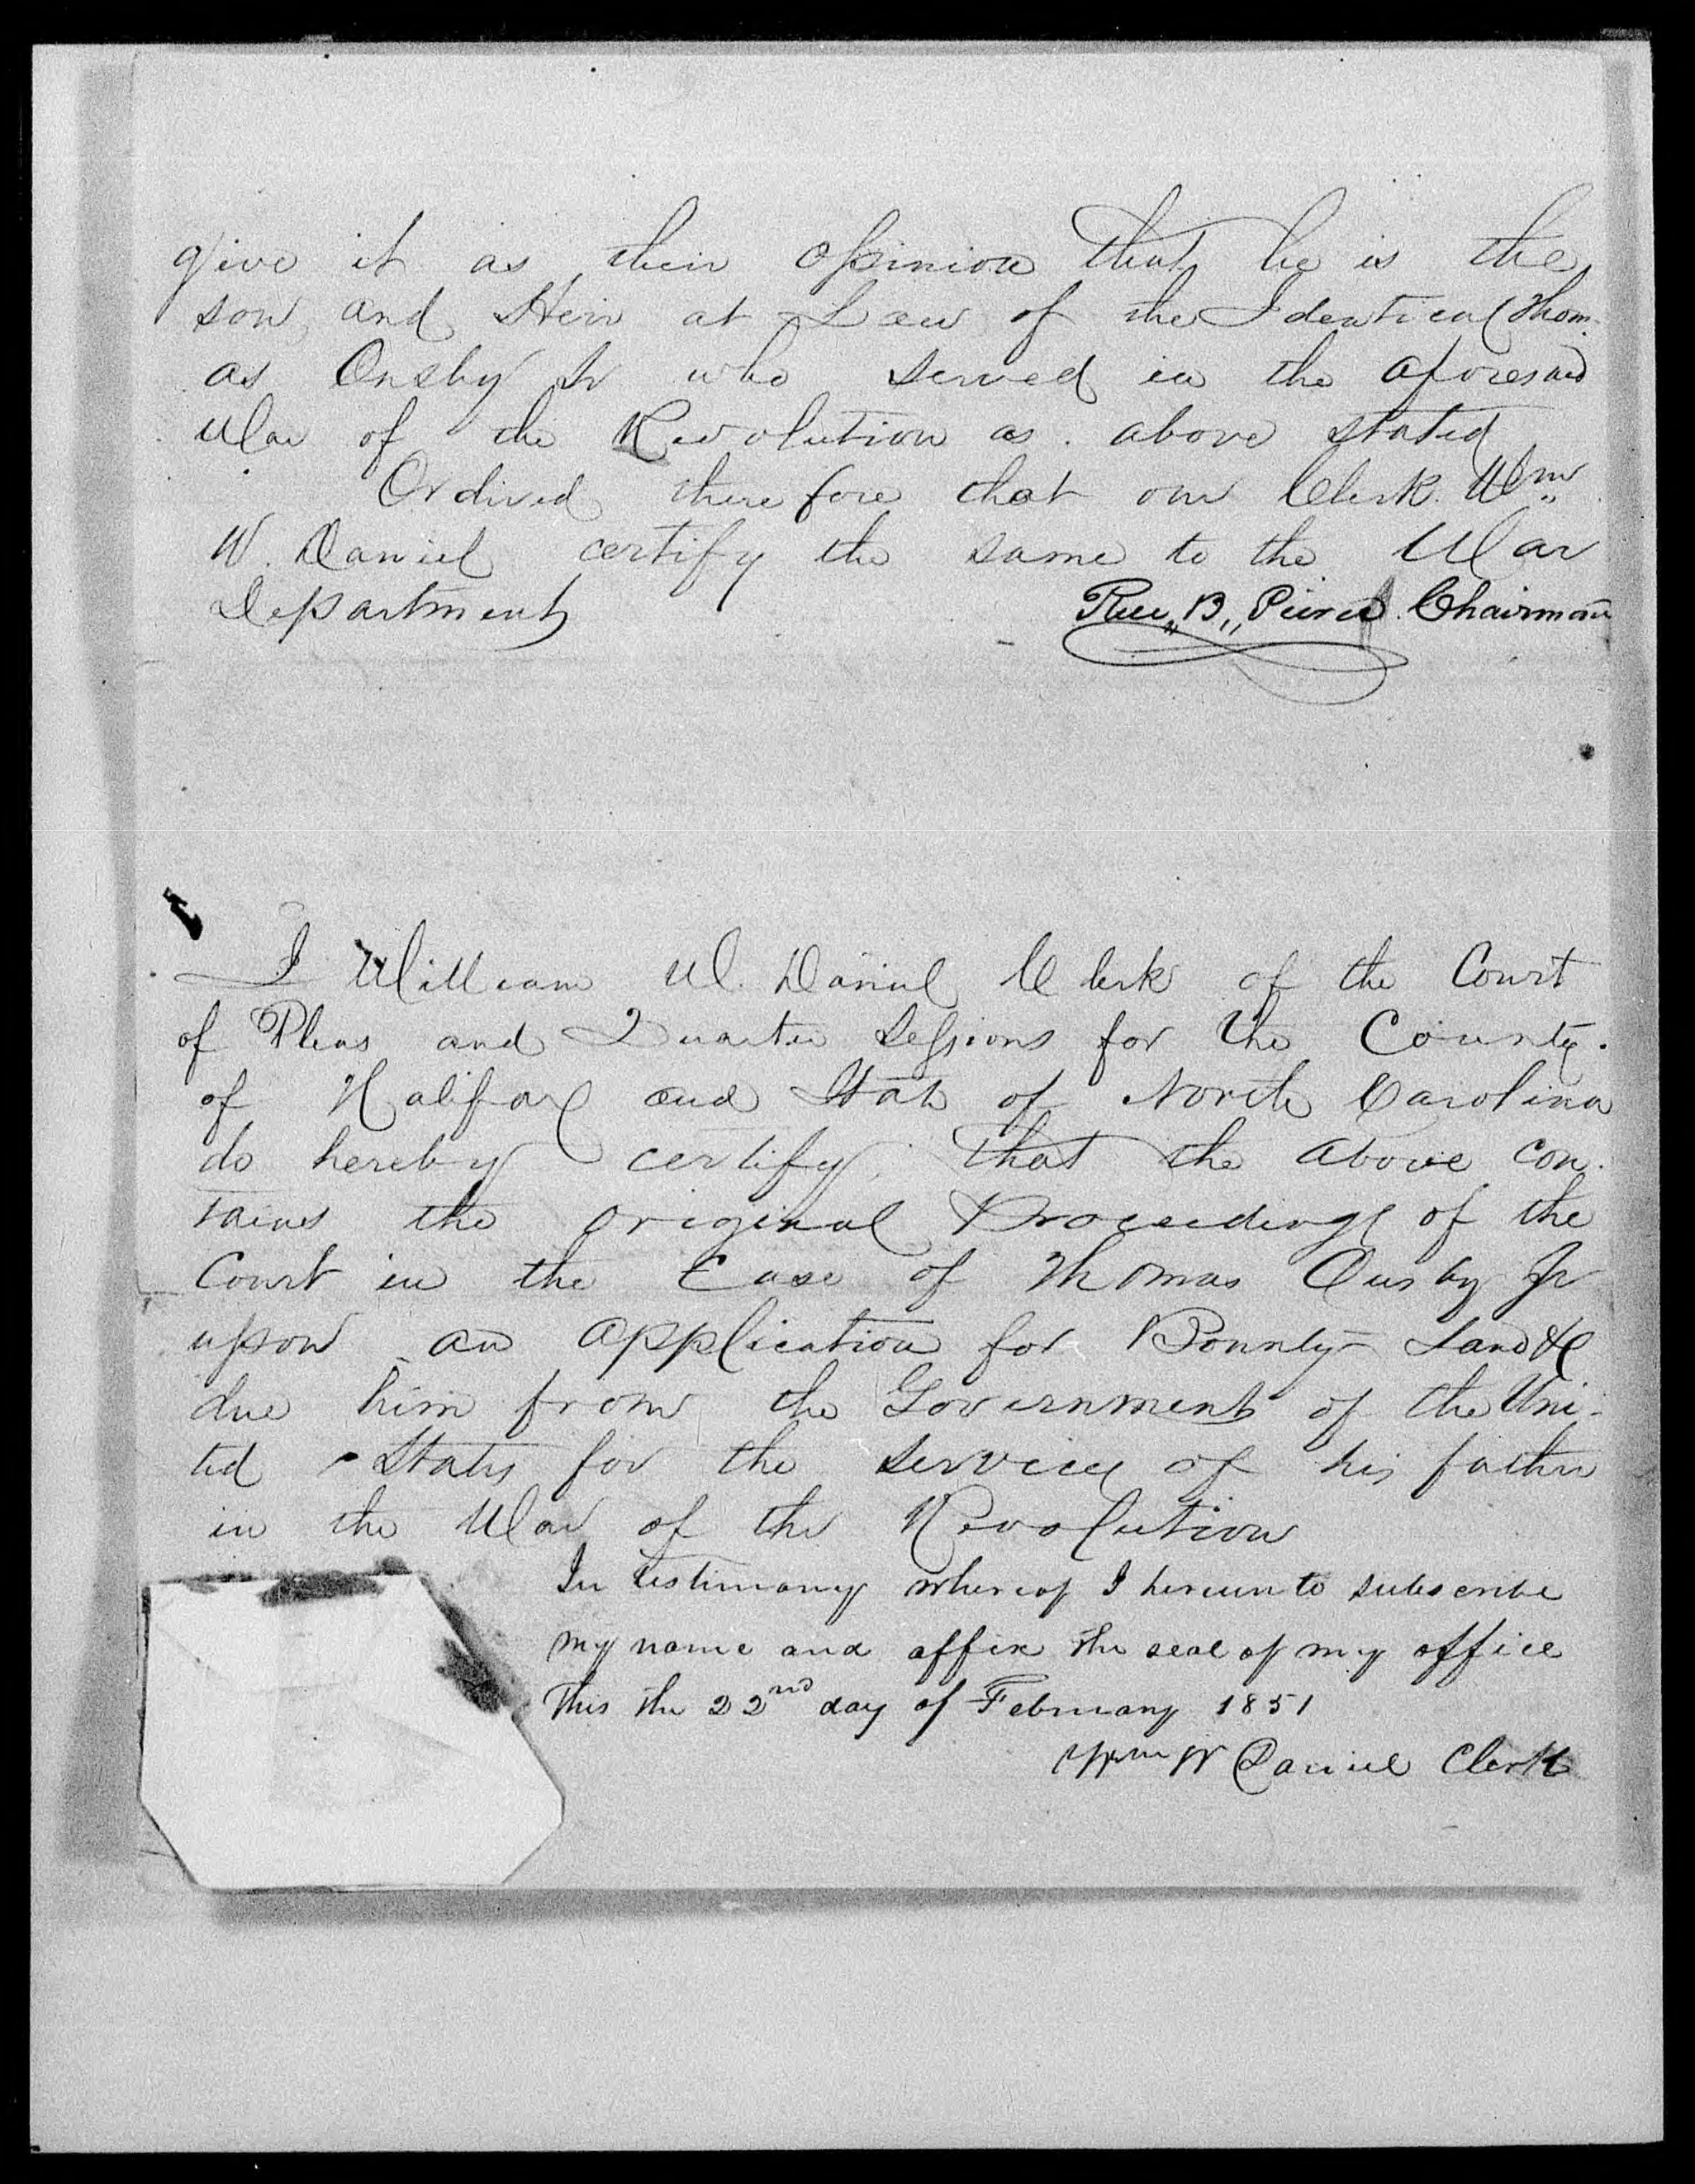give it as their opinion that he is the son and Heir at law of the Identified Thomas Ousby Sr who served in the aforesaid War of the Revolution as above stated
Ordered therefore that [illegible] Clerk Wm W. Daniel certify the same to the War Department

Ru, B, Pierce Chairman


I William W Daniel Clerk of the Court of Pleas and Duartin defines for the County of Halifax and the State of North Carolina do hereby certify that the above contains the original Proceeding of the Court in the Case of Thomas Ousby Jr upon an application for Bounty Land due him from the Government of the United States for the service of his father in the War of the Revolution

In testimony [illegible] I hereunto [illegible] my name and affin the seal of my office this the 22nd day of February 1851

Wm W Daniel Clerk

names: Rice B Peirce; Thomas Ousby; William W Daniel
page: 3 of 13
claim: bounty land warrant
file: B. L. Wt. 2455-200, for Thomas Ousby, South Carolina